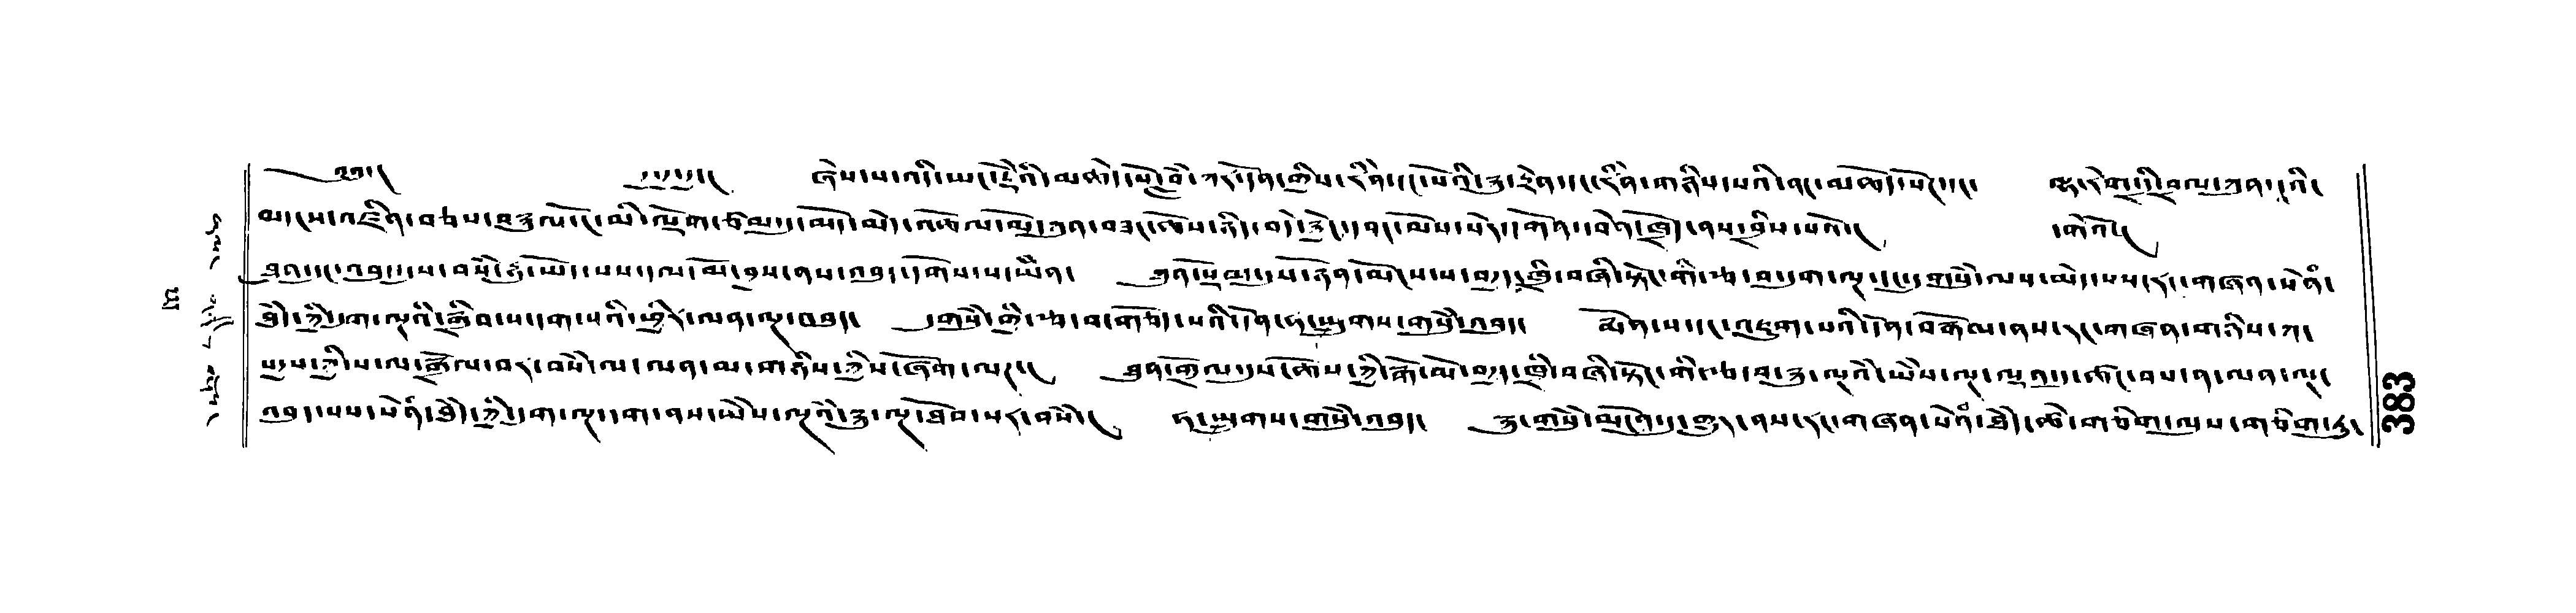རྒྱ་རྒྱ་རྒྱ། ཞེས་པ་འདི་ཡང་རྡོ་རྗེའི་མཆེད་པོ་བླ་མ་ཀར་དོན་གྱིས་རིན་ཆེན་དང་པོའི་སྐུ་རྟེན་དང་རིན་ཆེན་གཉིས་པའི་ནང་མཆོད་སོགས་དང་། ལྷ་རེག་དྲི་བྲལ་ཀུན་དཱའི་
མདངས་འཛིན་བཅས་བསྐུལ་ངོ་མི་ལྡོག་ཙམ་དུ་མདོ་མེད་འཆོལ་མོ་ཀུན་བཟང་ཆོས་ཉིད་བདེ་སྐྱོང་དབང་མོས་སེར་དགོན་དབེན་ཁྲོད་ནས་བྲིས་པའོ།། དགེའོ།། 
ཐུན་དུང་འབུད་དུས་བསམ་རྒྱུ་ཡོད་པས་དལ་མོ་བྱས་ནས་འབུད་དགོས་པ་ཡིན། ཐུན་སྡོམ་དུས་ཉོན་མོངས་པ་བརྒྱད་ཁྲི་བཞི་སྟོང་གི་རྩ་བ་དུག་ལྔ་དང་དུག་གསུམ་ལས་མེད་པར་རང་གཞན་སེམས་
ཅན་ཐམས་ཅད་ཀྱི་དུག་ལྔའི་སྒྲིབ་པ་དག་པའི་ཕྱིར་ལན་ལྔ་འབུད། དུག་གསུམ་གྱི་རྩ་བ་གཅོད་པའི་དོན་ཧ་སྤྲུགས་གསུམ་འབུད།སྨོན་པ་དང་འཇུག་པའི་དོན་བསྒོམ་ནས་རང་གཞན་གཉིས་ཀ་
སངས་རྒྱས་ཀྱི་ས་ལ་སྒྲོལ་བར་བསམ་ལ་ལན་མ་གཉིས་ཀྱིས་ཞོག་ལགས། ཐུན་གྲོལ་དུས་ཆོས་ཀྱི་སྒོ་མོ་བརྒྱད་ཁྲི་བཞི་སྟོང་གི་རྩ་བ་སྐུ་ལྔའམ་ཡེ་ཤེས་ལྔ་ལྡན་དུ་ཚང་བས་ན་ལན་ལྔ་
འབུད་པས་སེམས་ཅན་ཐམས་ཅད་ཀྱི་དུག་ལྔ་དག་ནས་ཡེ་ཤེས་ལྔའམ་སྐུ་ལྔ་ཐོབ་པར་བསམ། ཧ་སྤྲུགས་གསུམ་འབུད། སྐུ་གསུམ་མངོན་དུ་གྱུར་ནས་རང་གཞན་སེམས་ཅན་ཐམས་ཅད་ཚེ་གཅིག་ལུས་གཅིག་ཏུ་